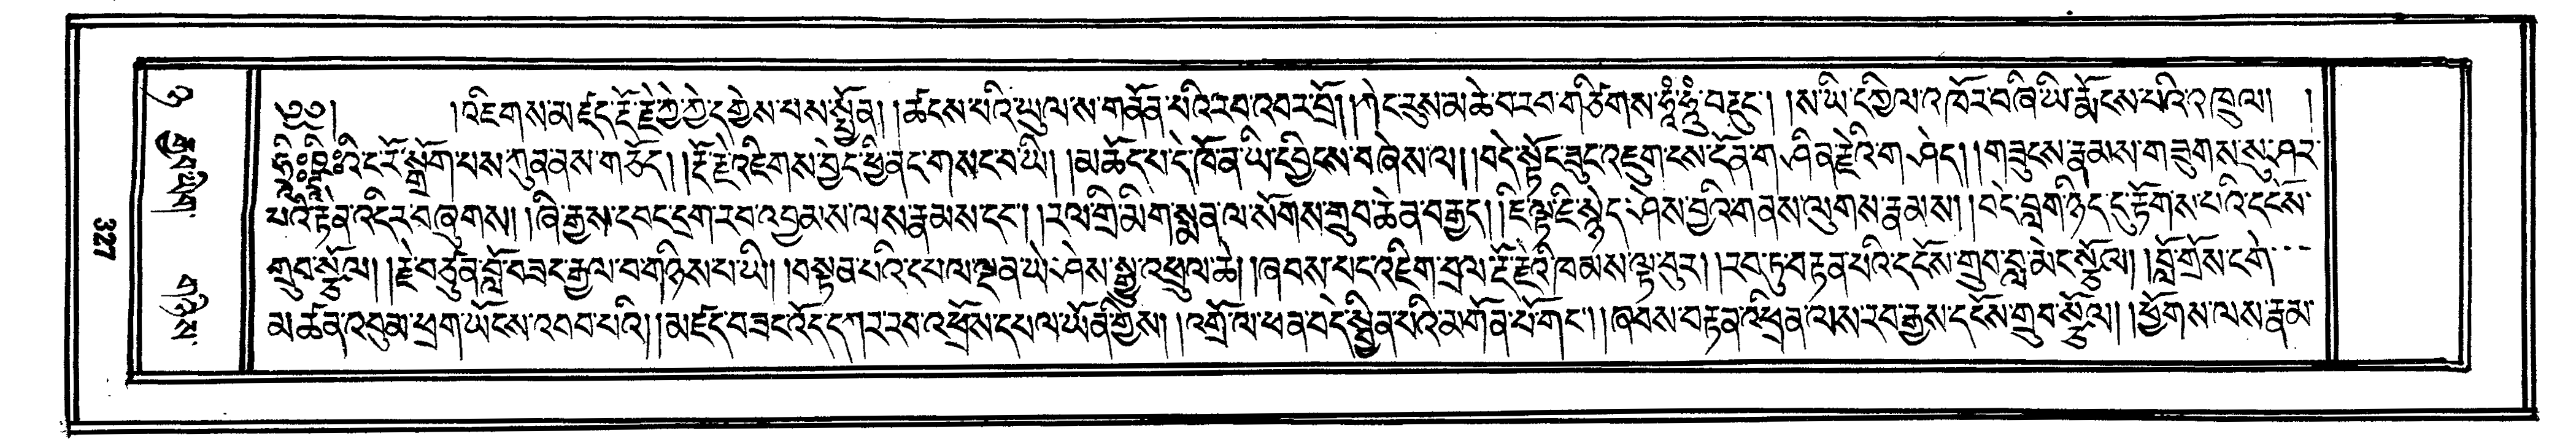༄༅། །འཇིགས་མཛད་རྡོ་རྗེ་ཀྱེ་ཀྱེ་དགྱེས་པས་སྦྱོན། །ཚངས་པའི་ཡུལ་ས་གནོན་པའི་རབ་འབར་བྲོ། །ཀེང་རུས་མཆེ་བ་རབ་གཙིགས་ཧཱུཾ་ཧཱུཾ་བརྡུང་། །ས་ཡི་དཀྱིལ་འཁོར་བཞི་ཡི་རྨོངས་པའི་འཁྲུལ།
ཧྲཱིཿཥྵིཿའི་ང་རོ་སྒྲོག་པས་ཀུན་ནས་གཅོད། །རྡོ་རྗེ་འཇིགས་བྱེད་ཕྱི་ནང་གསང་བ་ཡི། །མཆོད་པ་དེ་ཁོ་ན་ཡི་དབྱིངས་བཞེས་ལ། །བདེ་སྟོང་ཟུང་འཇུག་ངེས་དོན་གཤིན་རྗེའི་གཤེད། །གཟུངས་རྣམས་གཟུགས་སུ་ཤར་
བའི་རྟེན་འདིར་བཞུགས། །ཞི་རྒྱས་དབང་དྲག་རབ་འབྱམས་ལས་རྣམས་དང་། །རལ་གྲི་མིག་སྨན་ལ་སོགས་གྲུབ་ཆེན་བརྒྱད། །ཇི་ལྟ་ཇི་སྙེད་ཤེས་བྱའི་གནས་ལུགས་རྣམས། །བདེ་བླག་ཉིད་དུ་རྟོགས་པའི་དངོས་
གྲུབ་སྩོལ། །རྗེ་བཙུན་བློ་བཟང་རྒྱལ་བ་གཉིས་པ་ཡི། །བསྟན་པའི་དཔལ་ལྡན་ཡེ་ཤེས་སྒྱུ་འཕྲུལ་ཆེ། །ཞབས་པད་འཇིག་བྲལ་རྡོ་རྗེའི་ཁམས་ལྟ་བུར། །རབ་ཏུ་བརྟན་པའི་དངོས་གྲུབ་བླ་མེད་སྩོལ། །བློ་གྲོས་དགེ་
མཚན་འབུམ་ཕྲག་ཡོངས་འབབ་བའི། །མཛད་བཟང་འོད་དཀར་རབ་འཕྲོས་དཔལ་ཡོན་གྱིས། །འགྲོ་ལ་ཕན་བདེ་སྦྱིན་པའི་མགོན་པོ་གང་། །ཞབས་བརྟན་འཕྲིན་ལས་རབ་རྒྱས་དངོས་གྲུབ་སྩོལ། །ཕྱོགས་ལས་རྣམ་